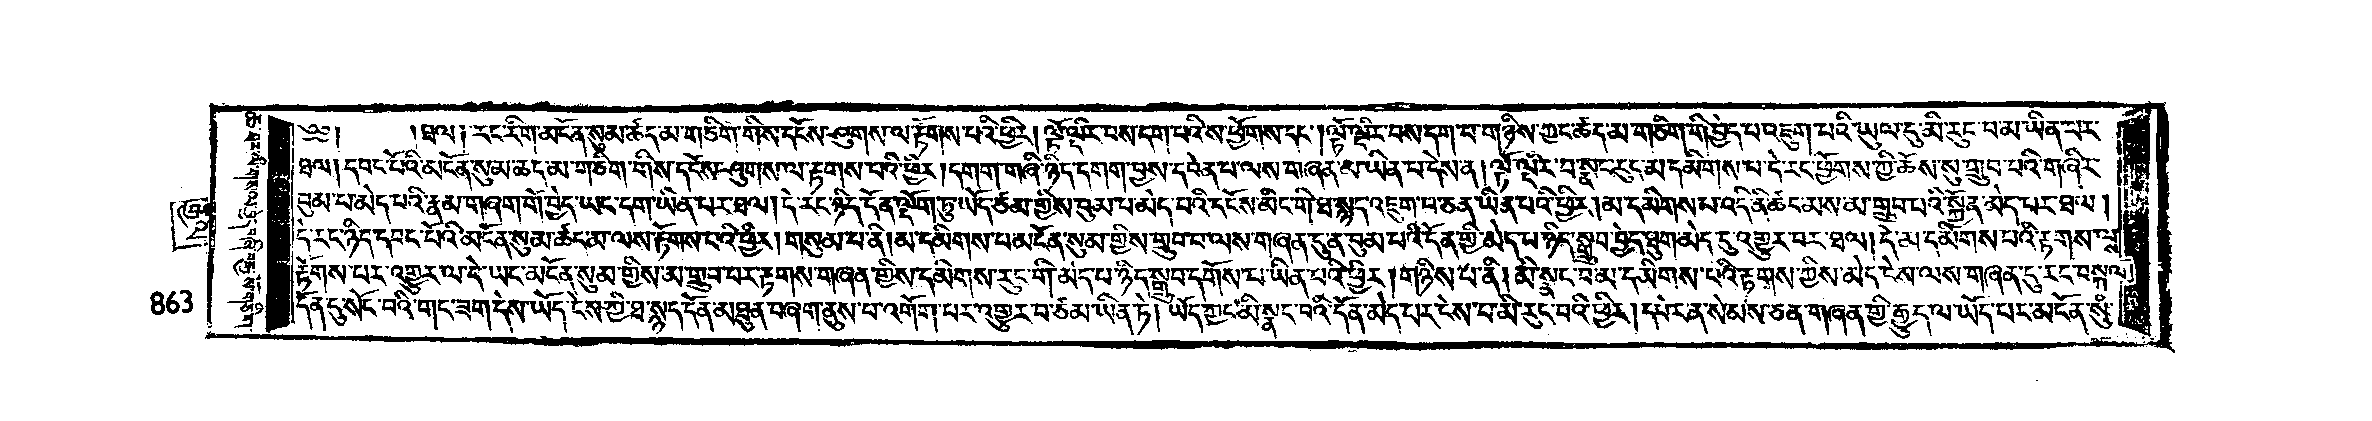༄༅། །ཐལ། རང་རིག་མངོན་སུམ་ཚད་མ་གཅིག་གིས་དངོས་ཤུགས་ལ་རྟོགས་པའི་ཕྱིར། ལྟོ་ལྡིར་བས་དག་པའི་ས་ཕྱོགས་དང་། ལྟོ་ལྡིར་བས་དག་པ་གཉིས་ཀྱང་ཚད་མ་གཅིག་གི་བྱེད་པ་འཇུག་པའི་ཡུལ་དུ་མི་རུང་བ་མ་ཡིན་པར་
ཐལ། དབང་པོའི་མངོན་སུམ་ཚད་མ་གཙོག་གིས་དངོས་ཤུགས་ལ་རྟགས་པའི་ཕྱིར། དགག་གཞི་ཉིད་དགག་བྱས་དབེན་?་པ་ལས་གཞན་མ་ཡིན་པ་དེས་ན། ལྟོ་ལྡིར་བ་སྣང་རུང་མ་དམིགས་པ་དེ་རང་ཕྱོགས་ཀྱི་ཆོས་སུ་གྲུབ་པའི་གཞིར་
བུམ་པ་མེད་པའི་རྣམ་གཞག་གོ་བྱེད་ཡང་དག་ཡིན་པར་ཐལ། དེ་རང་ཉིད་དོན་ལྡོག་ཏུ་ཡོད་ཙམ་གྱིས་བུམ་པ་མེད་པའི་དངོས་མིང་གི་ཐ་སྙད་འཇུག་པ་ཅན་ཡིན་པའི་ཕྱིར། མ་དམིགས་པ་འདི་ནི་ཚད་མས་མ་གྲུབ་པའི་སྐྱོན་མེད་པར་ཐལ།
དེ་རང་ཉིད་དབང་པོའི་མངོན་སུམ་ཚད་མ་ལས་རྟོགས་པའི་ཕྱིར། གསུམ་པ་ནི། མ་དམིགས་པ་མངོན་སུམ་གྱིས་གྲུབ་པ་ལས་གཞན་དུ་ན་བུམ་པའི་དོན་གྱི་མེད་པ་ཉིད་སྒྲུབ་བྱེད་ཐུག་མེད་དུ་འགྱུར་བར་ཐལ། དེ་མ་དམིགས་པའི་རྟགས་ལས་
རྟོགས་པར་འགྱུར་ལ་དེ་ཡང་མངོན་སུམ་གྱིས་མ་གྲུབ་པར་རྟགས་གཞན་གྱིས་དམིགས་རུང་གི་མེད་པ་ཉིད་སྒྲུབ་དགོས་པ་ཡིན་པའི་ཕྱིར། གཉིས་པ་ནི། མི་སྣང་བ་མ་དམིགས་པའི་རྟགས་ཀྱིས་མེད་ངེས་ལས་གཞན་དུ་རང་བསྐལ་
དོན་དུ་སོང་བའི་གང་ཟག་དེས་ཡོད་ངེས་ཀྱི་ཐ་སྙད་དོན་མཐུན་བཞག་ནུས་པ་འགོག་པར་འགྱུར་བ་ཙམ་ཡིན་ཏེ། ཡོད་ཀྱང་མི་སྣང་བའི་དོན་མེད་པར་ངེས་པ་མི་རུང་བའི་ཕྱིར། དཔེར་ན་སེམས་ཅན་གཞན་གྱི་རྒྱུད་ལ་ཡོད་པར་མངོན་སུཾ་